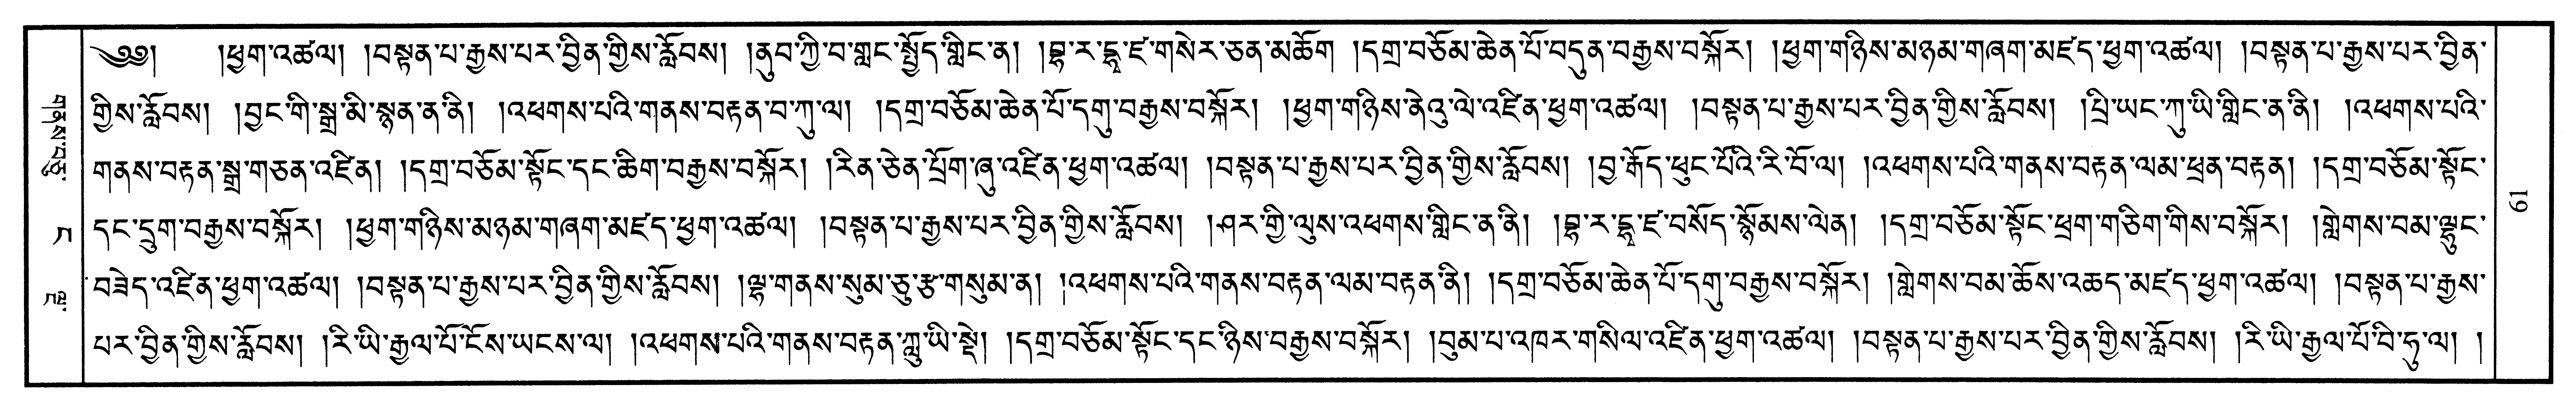༄༅། །ཕྱག་འཚལ། །བསྟན་པ་རྒྱས་པར་བྱིན་གྱིས་རློབས། །ནུབ་ཀྱི་བ་གླང་སྤྱོད་གླིང་ན། །བྷ་ར་དྷྭ་ཛ་གསེར་ཅན་མཆོག །དགྲ་བཅོམ་ཆེན་པོ་བདུན་བརྒྱས་བསྐོར། །ཕྱག་གཉིས་མཉམ་གཞག་མཛད་ཕྱག་འཚལ། །བསྟན་པ་རྒྱས་པར་བྱིན་
གྱིས་རློབས། །བྱང་གི་སྒྲ་མི་སྙན་ན་ནི། །འཕགས་པའི་གནས་བརྟན་བ་ཀུ་ལ། །དགྲ་བཅོམ་ཆེན་པོ་དགུ་བརྒྱས་བསྐོར། །ཕྱག་གཉིས་ནེའུ་ལེ་འཛིན་ཕྱག་འཚལ། །བསྟན་པ་རྒྱས་པར་བྱིན་གྱིས་རློབས། །པྲི་ཡང་ཀུ་ཡི་གླིང་ན་ནི། །འཕགས་པའི་
གནས་བརྟན་སྒྲ་གཅན་འཛིན། །དགྲ་བཅོམ་སྟོང་དང་ཆིག་བརྒྱས་བསྐོར། །རིན་ཅེན་པྲོག་ཞུ་འཛིན་ཕྱག་འཚལ། །བསྟན་པ་རྒྱས་པར་བྱིན་གྱིས་རློབས། །བྱ་རྒོད་ཕུང་པོའི་རི་བོ་ལ། །འཕགས་པའི་གནས་བརྟན་ལམ་ཕྲན་བརྟན། །དགྲ་བཅོམ་སྟོང་
དང་དྲུག་བརྒྱས་བསྐོར། །ཕྱག་གཉིས་མཉམ་གཞག་མཛད་ཕྱག་འཚལ། །བསྟན་པ་རྒྱས་པར་བྱིན་གྱིས་རློབས། །ཤར་གྱི་ལུས་འཕགས་གླིང་ན་ནི། །བྷ་ར་དྷྭ་ཛ་བསོད་སྙོམས་ལེན། །དགྲ་བཅོམ་སྟོང་ཕྲག་གཅིག་གིས་བསྐོར། །གླེགས་བམ་ལྷུང་
བཟེད་འཛིན་ཕྱག་འཚལ། །བསྟན་པ་རྒྱས་པར་བྱིན་གྱིས་རློབས། །ལྷ་གནས་སུམ་ཅུ་རྩ་གསུམ་ན། །འཕགས་པའི་གནས་བརྟན་ལམ་བརྟན་ནི། །དགྲ་བཅོམ་ཆེན་པོ་དགུ་བརྒྱས་བསྐོར། །གླེགས་བམ་ཆོས་འཆད་མཛད་ཕྱག་འཚལ། །བསྟན་པ་རྒྱས་
པར་བྱིན་གྱིས་རློབས། །རི་ཡི་རྒྱལ་པོ་ངོས་ཡངས་ལ། །འཕགས་པའི་གནས་བརྟན་ཀླུ་ཡི་སྡེ། །དགྲ་བཅོམ་སྟོང་དང་ཉིས་བརྒྱས་བསྐོར། །བུམ་པ་འཁར་གསིལ་འཛིན་ཕྱག་འཚལ། །བསྟན་པ་རྒྱས་པར་བྱིན་གྱིས་རློབས། །རི་ཡི་རྒྱལ་པོ་བི་ཧུ་ལ། །